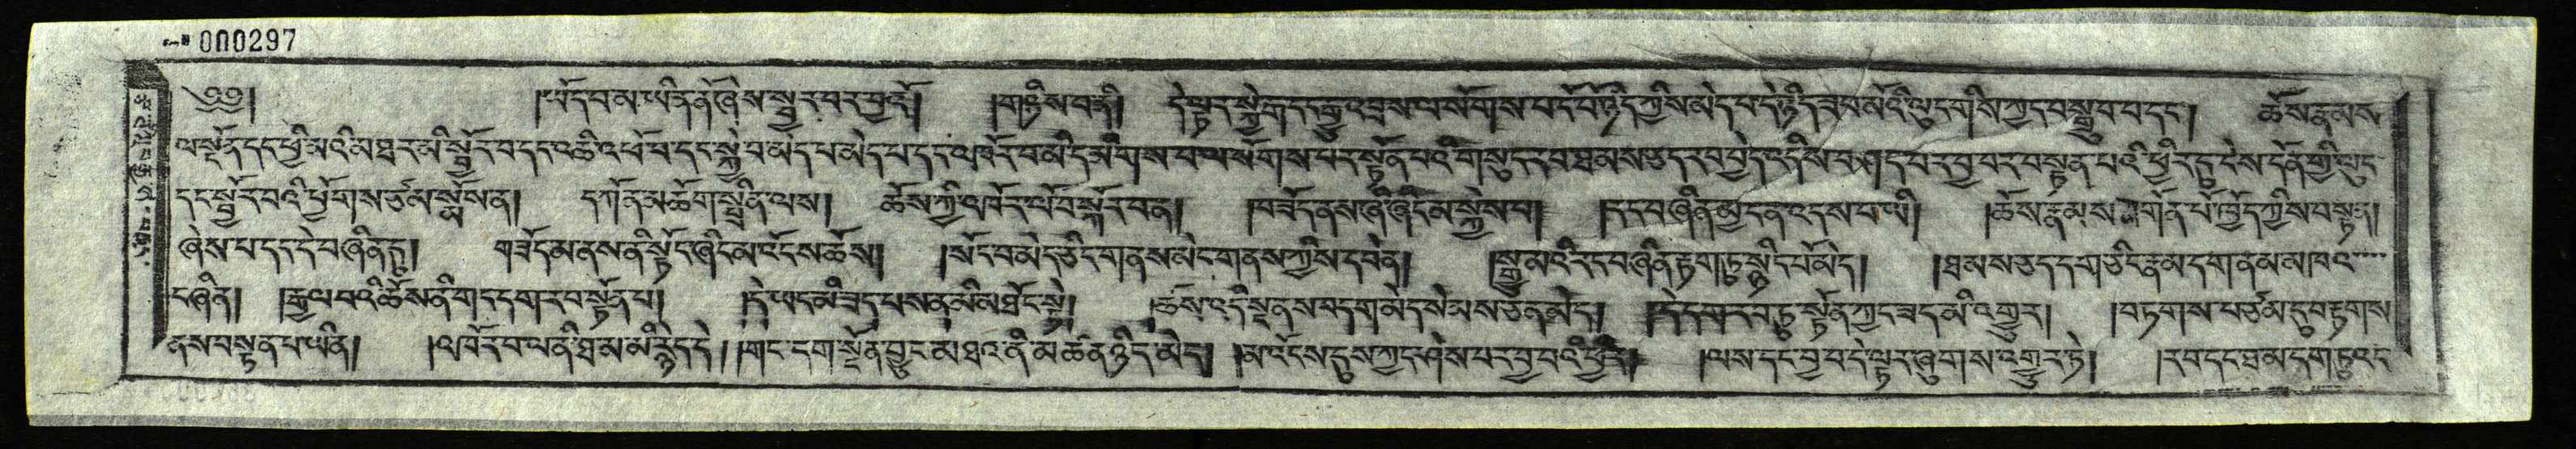༄༅། །ཡོད་པ་མ་ཡིན་ནོ་ཞེས་སྦྱར་བར་བྱའོ། །གཉིས་པ་ནི། དེ་ལྟར་སྐྱེ་རྒ་དང་རྒྱུ་འབྲས་ལ་སོགས་པ་ངོ་བོ་ཉིད་ཀྱིས་མེད་པ་དེ་ཉིད་ཟབ་མོའི་ལུང་གིས་ཀྱང་བསྒྲུབ་པ་དང་། ཆོས་རྣམས་
ལ་སྔོན་དང་ཕྱི་མའི་མཐར་མི་སྦྱོར་བ་དང་འཆི་འཕོ་བ་དང་སྐྱེ་བ་མེད་པ་མེད་པ་དང་འཁོར་བ་མི་དམིགས་པ་ལ་སོགས་པར་སྟོན་པའི་གསུང་རབ་ཐམས་ཅད་རབ་བྱེད་འདིས་བཤད་པར་བྱ་བར་བསྟན་པའི་ཕྱིར་དུ་ངེས་དོན་གྱི་ལུང་
དང་སྦྱོར་བའི་ཕྱོགས་ཙམ་སྨོས་ན། དཀོན་མཆོག་སྤྲིན་ལས། ཆོས་ཀྱི་འཁོར་ལོ་བསྐོར་བ་ན། །བཟོད་ནས་ཞི་ཞིང་མ་སྐྱེས་བ། །རང་བཞིན་མྱ་ངན་འདས་པ་ཡི། །ཆོས་རྣམས་མགོན་པོ་ཁྱོད་ཀྱིས་བསྟན།
ཞེས་པ་དང་དེ་བཞིན་དུ། གཟོད་མ་ནས་ནི་སྟོང་ཞིང་མ་འོངས་ཆོས། །སོང་བ་མེད་ཅིང་གནས་མེད་གནས་ཀྱིས་དབེན། །སྒྱུ་མའི་རང་བཞིན་རྟག་ཏུ་སྙིང་པོ་མེད། །ཐམས་ཅད་དག་ཅིང་རྣམ་དག་ནམ་མཁའ་
བཞིན། །རྒྱལ་བའི་ཆོས་ནི་གང་དག་རབ་སྟོན་པ། །དེ་ཡང་མི་ཟད་པས་ན་མི་མཐོང་སྟེ། །ཆོས་འདི་སྔ་ནས་བདག་མེད་སེམས་ཅན་མེད། །དེ་དག་རབ་ཏུ་སྟོན་ཀྱང་ཟད་མི་འགྱུར། །བཏགས་པ་ཙམ་དུ་བརྟགས་
ནས་བསྟན་པ་ཡིན། །འཁོར་བ་ལ་ནི་ཐ་མ་མི་རྙེད་དེ། །གང་དག་སྔོན་བྱུང་མཐའ་ནི་མཚན་ཉིད་མེད། །མ་འོངས་དུས་ཀྱང་ཤེས་པར་བྱ་བའི་ཕྱིར། །ལས་དང་བྱ་བ་དེ་ལྟར་ཞུགས་འགྱུར་ཏེ། །རབ་དང་ཐ་མ་དག་ཏུའང་